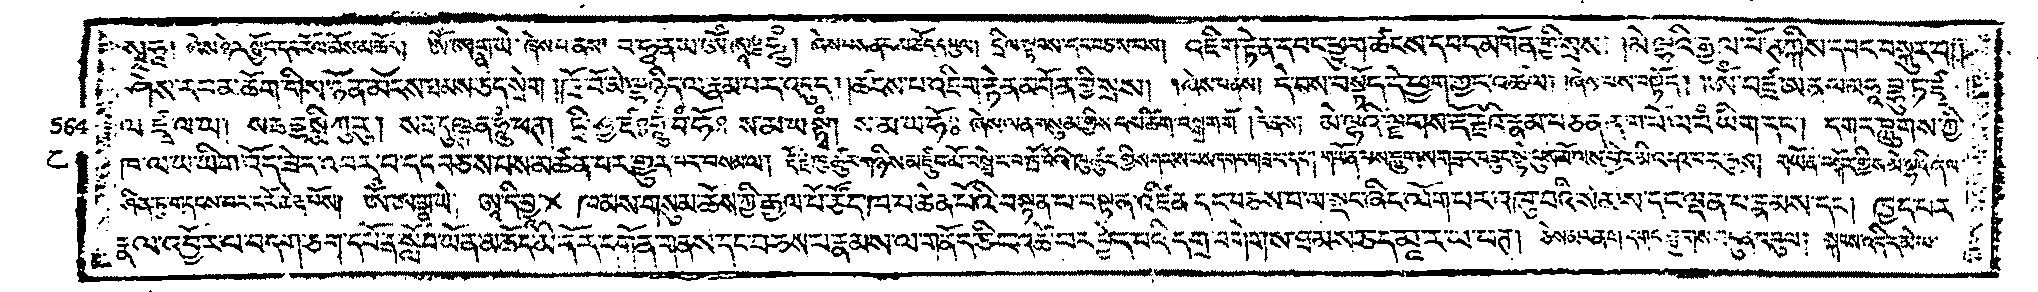སྭཱཧཱ། ཞེས་ཉེར་སྤྱོད་དང་རོལ་མོས་མཆོད།  ཨོཾ་ཨགན་ཡེ་ཞེས་པ་ནས། བ་ཧཱ་ན་ཡ་ཨོཾ་ཨཱཿཧཱུཾ། ཞེས་པས་ནང་མཆོད་དབུལ། དྲིལ་སྟབས་དང་བཅས་པས།  འཇིག་རྟེན་དབང་ཕྱུག་ཚངས་དབང་མགོན་གྱི་སྲས། །མེ་ལྷའི་རྒྱལ་པོ་ཌཀྐིས་དབང་བསྐུར་བ། །
ཤེས་རབ་མཆོག་གིས་ཉོན་མོངས་ཐམས་ཅད་སྲེག །ཁྲོ་བོ་མེ་ལྷ་ཉིད་ལ་རྣམ་བར་འདུད། །ཚངས་པ་འཇིག་རྟེན་མགོན་གྱི་སྲས། །ཞེས་པ་ནས།  དེ་བས་བསྟོད་དེ་ཕྱག་ཀྱང་འཚལ། ཞེས་པས་བསྟོད།  ཨོཾ་བཛྲ་ཨ་ན་ལ་མཧཱ་བྷུ་ཏ་ཛྭ་
ལ་ཛྭ་ལ་ཡ། སརྦ་བྷསྨི་ཀུ་རུ། སརྦ་དུཥྜ་ན་ཧཱུཾ་ཕཌ། ཏྲི་ཤྱ་ཛཿཧཱུཾ་བཾ་ཧོཿ། །ས་མ་ཡསྟྭཾ། ས་མ་ཡ་ཧོཿ ཞེས་ལན་གསུམ་གྱིས་དམ་ཚིག་བསྒྲག་གོ། །དེ་ནས།  མེ་ལྷའི་ལྗགས་རྡོ་རྗེའི་རྣམ་པ་ཅན་ནག་པོ་ལ་བཾ་ཡིག་དང་། དགང་བླུགས་ཀྱི་
ཁ་ལ་ཡ་ཡིག་འོད་ཟེར་འབར་བ་དང་བཅས་པས་མཚན་པར་གྱུར་པར་བསམས་ལ། རྡོ་རྗེ་ཁུ་ཚུར་གཉིས་མཛུབ་མོ་བསྒྲེང་བ་ཁྲོ་བོའི་ཁུ་ཚུར་གྱི་གཡས་པས་དགང་གཟང་དང་། གཡོན་པས་བླུགས་གཟར་བཟུང་སྟེ་པུས་མོ་ལས་ཕྱིར་མི་འདའ་བར་བྱས། །གཡོན་བསྐོར་གྱིས་མེ་ལྷའི་ཞལ་
ཤིན་ཏུ་གདངས་པར་ང་རོ་ཆེན་པོས། ཨོཾ་ཨགན་ཡེ། ཨཱ་དེ་བྱཱ་྾་ཁམས་གསུམ་ཆོས་ཀྱི་རྒྱལ་པོ་ཙོང་ཁ་པ་ཆེན་པོའི་བསྟན་པ་བསྟན་འཛིན་དང་བཅས་པ་སྡང་ཞིང་ལོག་པར་འཁུ་བའི་སེམས་དང་ལྡན་པ་རྣམས་དང་། ཁྱད་པར་
རྣལ་འབྱོར་བ་བདག་ཅག་དཔོན་སློབ་ཡོན་མཆོད་མི་དོར་དགོན་གནས་དང་བཅས་པ་རྣམས་ལ་གནོད་ཅིང་འཚེ་བར་བྱེད་པའི་དགྲ་བགེགས་ཐམས་ཅད་མཱ་ར་ཡ་ཕཌ། ཅེས་མར་ནག་དགང་བླུགས་འདུན་འབུལ། སྐབས་འདིར་མེ་ལ་